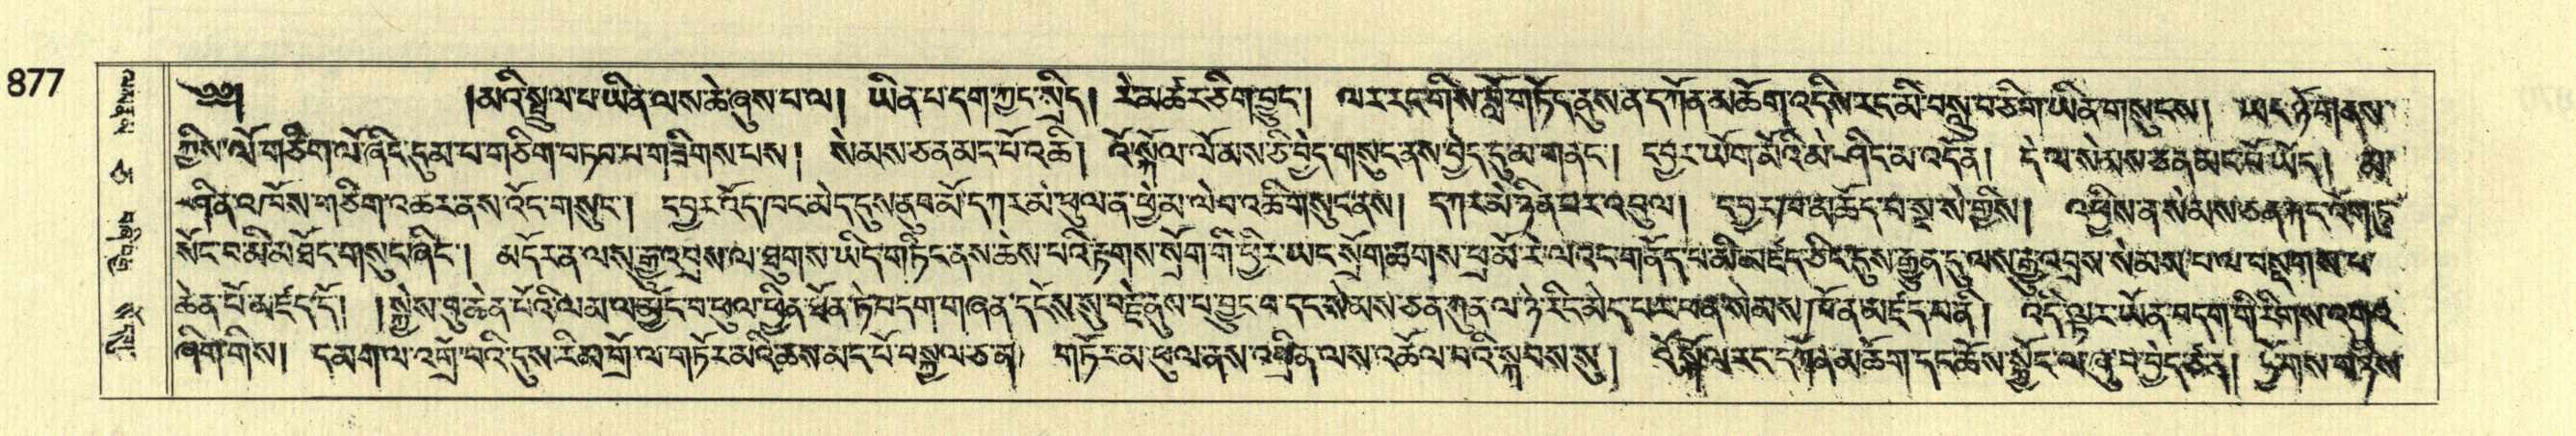༄༅། །མའི་སྤྲུལ་པ་ཡིན་ལས་ཆེ་ཞུས་པ་ལ། ཡིན་པ་དག་ཀྱང་སྲིད། རེ་མཚར་ཅིག་བྱུང་། ལར་རང་གིས་བློ་གཏོད་ནུས་ན་དཀོན་མཆོག་འདིས་རང་མི་བསླུ་བ་ཅིག་ཡིན་གསུངས། །ཡང་ཉོ་གནས་
ཀྱིས་ལོ་གཅིག་ལོ་ཞིང་དུམ་པ་གཅིག་བཏབ་པ་གཟིགས་པས། སེམས་ཅན་མང་པོ་འཆི། འོ་སྐོལ་ལོ་མས་ཅི་བྱེད་གསུང་ནས་བྱེད་དུ་མ་གནང་། དབྱར་ཡོག་མོའི་མེ་ཤིང་མ་འདོན། དེ་ལ་སེམས་ཅན་མང་པོ་ཡོད། མ་
ཤིན་འཁོས་གཅིག་འཆར་ནས་འོད་གསུང་། དབྱར་འོད་ཁང་མེད་དུས་ནུབ་མོ་དཀར་མེ་ཕུལ་ན་ཕྱེ་མ་ལེབ་འཆི་གསུངས་ནས། དཀར་མེ་ཉིན་བར་འབུལ། དབྱར་ཁ་མཆོད་བ་སྔ་སེ་གྱིས། འཕྱིས་ན་སེམས་ཅན་རྐང་འོག་ཏུ་
སོང་བ་མི་མཐོང་གསུང་ཤིང་། མདོར་ན་ལས་རྒྱུ་འབྲས་ལ་ཐུགས་ཡིད་གཏིང་ནས་ཆེས་པའི་རྟགས་སྲོག་གི་ཕྱིར་ཡང་སྲོག་ཆགས་ཕྲ་མོ་རེ་ལའང་གནོད་པ་མི་མཛད་ཅིང་དུས་རྒྱུན་དུ་ལས་རྒྱུ་འབྲས་སེམས་པ་ལ་བསྔགས་པ་
ཆེན་པོ་མཛད་དོ། །སྐྱེས་བུ་ཆེན་པོའི་ལམ་ལ་མྱོང་བ་ཕུལ་ཕྱིན་ཐོན་ཏེ་བདག་གཞན་དངོས་སུ་བརྗེ་ནུས་པ་བྱུང་བ་དང་སེམས་ཅན་ཀུན་ལ་ཉེ་རིང་མེད་པར་ཕན་སེམས་ཁོ་ན་མཛད་བ་ནི། འདི་ལྟར་ཡོན་བདག་གི་རིགས་འགའ་
ཞིག་གིས། དམག་ལ་འགྲོ་བའི་དུས་རིམ་གྲོ་ལ་གཏོར་མའི་ཆས་མང་པོ་བསྐྱལ་ཅན། གཏོར་མ་ཕུལ་ནས་འཕྲིན་ལས་འཆོལ་བའི་སྐབས་སུ། འོ་སྐོལ་རང་དཀོན་མཆོག་དང་ཆོས་སྐྱོང་ལ་ཞུ་བ་བྱེད་ཙ་ན། ཕྱོགས་གཉིས་